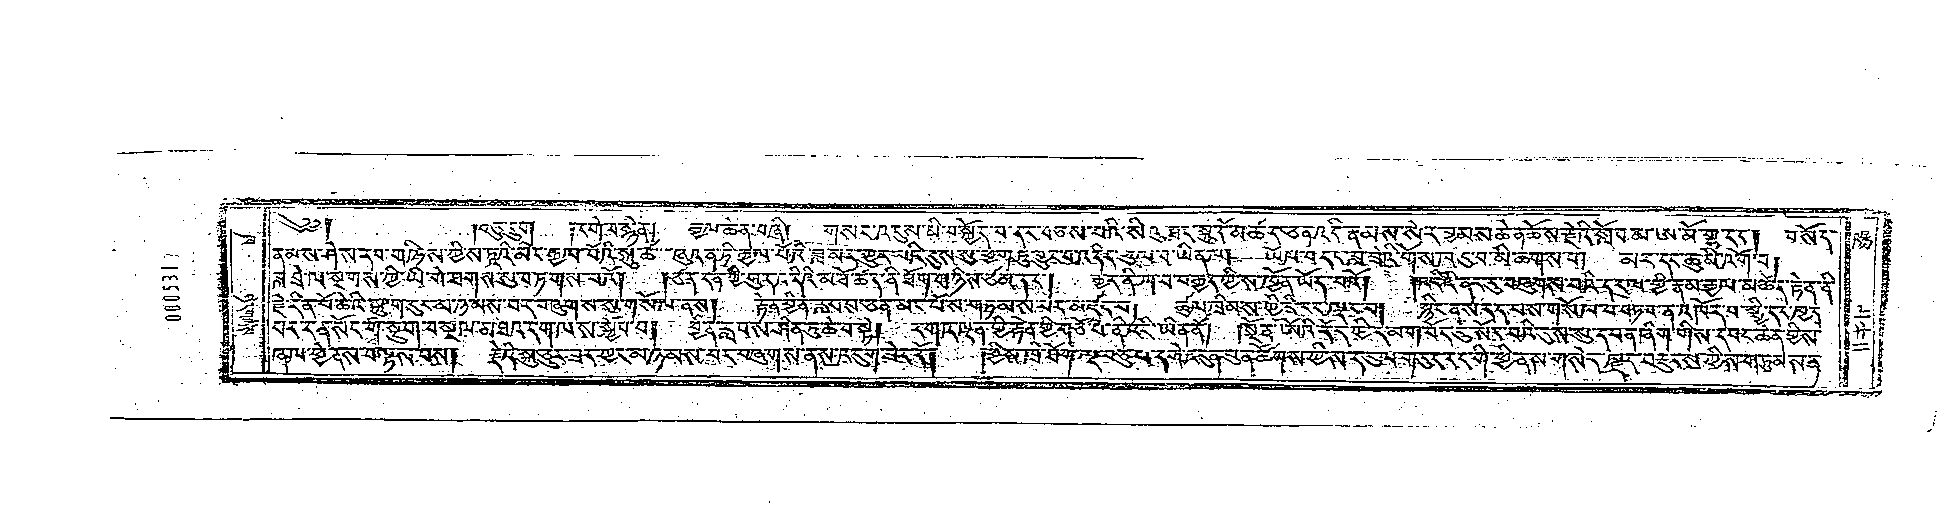༄༅། །བཅུ་དྲུག །དགེ་བསྙེན། རྒྱལ་ཆེན་བཞི། གསང་འདུས་མི་བསྐྱོད་བ་དང་བཅས་པའི་སིའུ་ཐད་སྐུ་ངོ་མཚར་ཅན་འདི་རྣམས་སེར་བྱམས་ཆེན་ཆོས་རྗེའི་སློབ་མ་ཨ་མོ་གྷ་དང་། བསོད་
ནམས་ཤེས་རབ་གཉིས་ཀྱི་ས་ཏཱའི་མིང་རྒྱལ་པོའི་སྐུ་ཚེ་ཞུའན་ཏི་རྒྱལ་པོའི་ཟླ་མར་གྱུར་པའི་དུས་སུ་ཕྱག་ཏུ་བྱུང་བ་འདིར་ཕུལ་བ་ཡིན་ལ། ཡོལ་བདར་བླ་བྲེའི་གོས་ཁ་དུ་བ་མི་ཆགས་པ། མར་དང་ཆུ་མི་འགོ་བ།
བླ་བྲེལ་སྔགས་ཀྱི་ཡི་གེ་ཐགས་སུ་བཏགས་པའོ། །ཙན་དན་གྱི་གུར་འདིའི་མཐོ་ཚད་ནི་ཐོག་གཉིས་ཙམ་དང་། རྒྱར་ནི་ཀ་བ་བརྒྱད་ཀྱི་ས་ཁྱོན་ཡོད་པའོ། །འདིའི་ནང་དུ་བཞུགས་བའི་དུ་བཞུགས་པའི་དངུལ་གྱི་རྣམ་རྒྱལ་མཆོད་རྟེན་ནི་
རྗེ་རིན་པོ་ཆེའི་སྐུ་གདུང་མ་ཉམས་བར་བཞུགས་སུ་གསོལ་ནས། རྟེན་བྱིན་རླབས་ཅན་མང་པོས་གཏམས་པར་མཛད་པ། ཚུལ་ཁྲིམས་ཀྱི་དྲི་དང་ལྡང་བ། སྙིང་ནས་དད་པས་གསོལ་བ་བཏབ་ན་འཁོར་བ་སྤྱི་དང་ཁྱད་
པར་ངན་སོང་གི་སྡུག་བསྔལ་མཐའ་དག་ལས་སྐྱོབ་བ། བྱིན་རླབས་ཤིན་ཏུ་ཆེ་བ་སྟེ། དགའ་ལྡན་གྱི་རྟེན་གྱི་གཙོ་བོ་ནི་འདི་ཡིན་ནོ། །སྔོན་ཨོའི་རོད་ཀྱི་དམག་བོད་དུ་སོང་བའི་དུས་སུ་དབང་ཞིག་གིས་དབང་ཆེན་གྱིས་
ཞལ་ཕྱེ་ནས་བལྟས་པས། རྗེའི་སྐུ་ཅུང་ཟད་ཀྱང་མ་ཉམས་བར་བཞུགས་ནས་འདུག་ཟེར་རོ། །ཕྱིས་ཁྲི་ཐོག་ལྔ་བཅུ་བ་དགེ་འདུན་ཕུན་ཚོགས་ཀྱིས་དངུལ་གདུད་རང་གི་ཕྱི་ནས་གསེར་ལྗང་བརྡུངས་ཀྱིས་གཏུམ་སན་